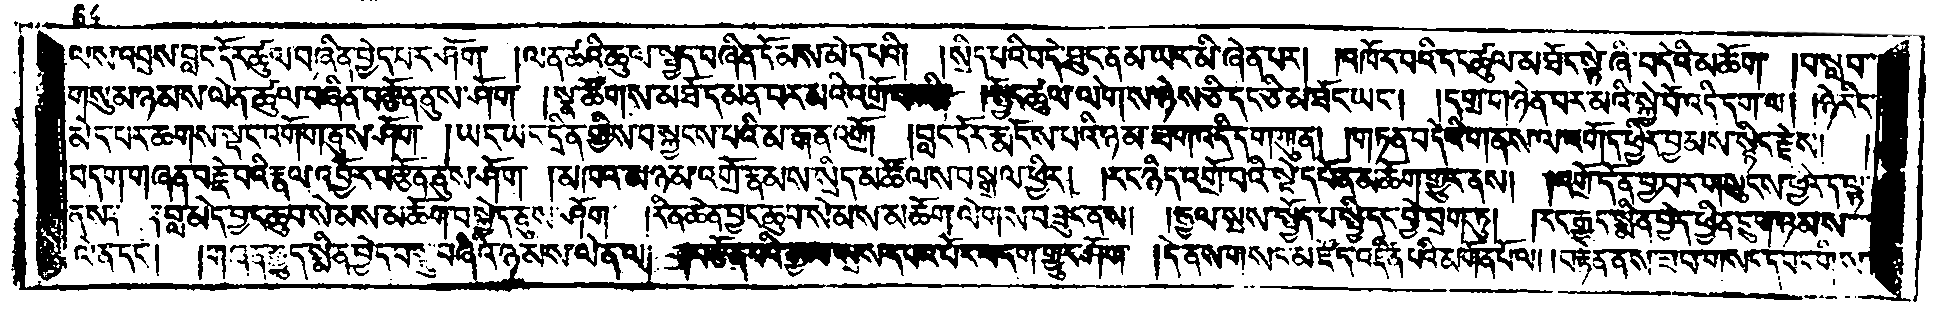ལས་འབྲས་བླང་དོར་ཚུལ་བཞིན་བྱེད་པར་ཤོག །ལན་ཚའི་ཆུ་ལ་སྤྱད་བཞིན་ངོམས་མེད་པའི། །སྲིད་པའི་བདེ་ཐུང་ནམ་ཡང་མི་ཞེན་པར། །འཁོར་བའི་ངང་ཚུལ་མཐོང་སྟེ་ཞི་བདེའི་མཆོག །བསླབ་
གསུམ་ཉམས་ལེན་ཚུལ་བཞིན་བརྩོན་ནུས་ཤོག །སྣ་ཚོགས་མཐོ་དམན་བར་མའི་འགྲོ་བ་ཡི། །སྤྱོད་ཚུལ་ལེགས་ཉེས་ཅི་དང་ཅི་མཐོང་ཡང་། །དགྲ་གཉེན་བར་མའི་སྐྱེ་བོ་འདི་དག་ལ། །ཉེ་རིང་
མེད་པར་ཆགས་སྡང་འགོག་ནུས་ཤོག །ཡང་ཡང་དྲིན་གྱིས་བསྐྱངས་པའི་མ་རྒན་འགྲོ། །བླང་དོར་རྨོངས་པའི་ཉམ་ཐག་འདི་དག་ཀུན། །གཏན་བདེའི་གནས་ལ་འགོད་ཕྱིར་བྱམས་སྙིང་རྗེས། །
བདག་གཞན་བརྗེ་བའི་རྣལ་འབྱོར་བརྩོན་ནུས་ཤོག །མཁའ་མཉམ་འགྲོ་རྣམས་སྲིད་མཚོ་ལས་བསྒྲལ་ཕྱིར། །རང་ཉིད་འགྲོ་བའི་སྡེ་དཔོན་མཆོག་གྱུར་ནས། །འགྲོ་དོན་བྱ་བར་གསུངས་ཕྱིར་ད་ལྟ་
ནས༑ ༑བླ་མེད་བྱང་ཆུབ་སེམས་མཆོག་བསྐྱེད་ནུས་ཤོག །རིན་ཆེན་བྱང་ཆུབ་སེམས་མཆོག་ལེགས་བཟུང་ནས། །རྒྱལ་སྲས་སྤྱོད་པ་སྤྱི་དང་བྱེ་བྲག་ཏུ། །རང་རྒྱུད་སྨིན་བྱེད་ཕྱིན་དྲུག་ཉམས་
ལེན་དང་། །གཞན་རྒྱུད་སྨིན་བྱེད་བསྡུ་བཞིའི་ཉམས་ལེན་ལ། །བརྩོན་པའི་རྒྱལ་སྲས་དཔའ་པོར་བདག་གྱུར་ཤོག །དེ་ནས་གསང་མཛོད་འཛིན་པའི་མགོན་པོ་ལ། །བརྟན་ནས་ཟབ་གསང་དབང་གིས་